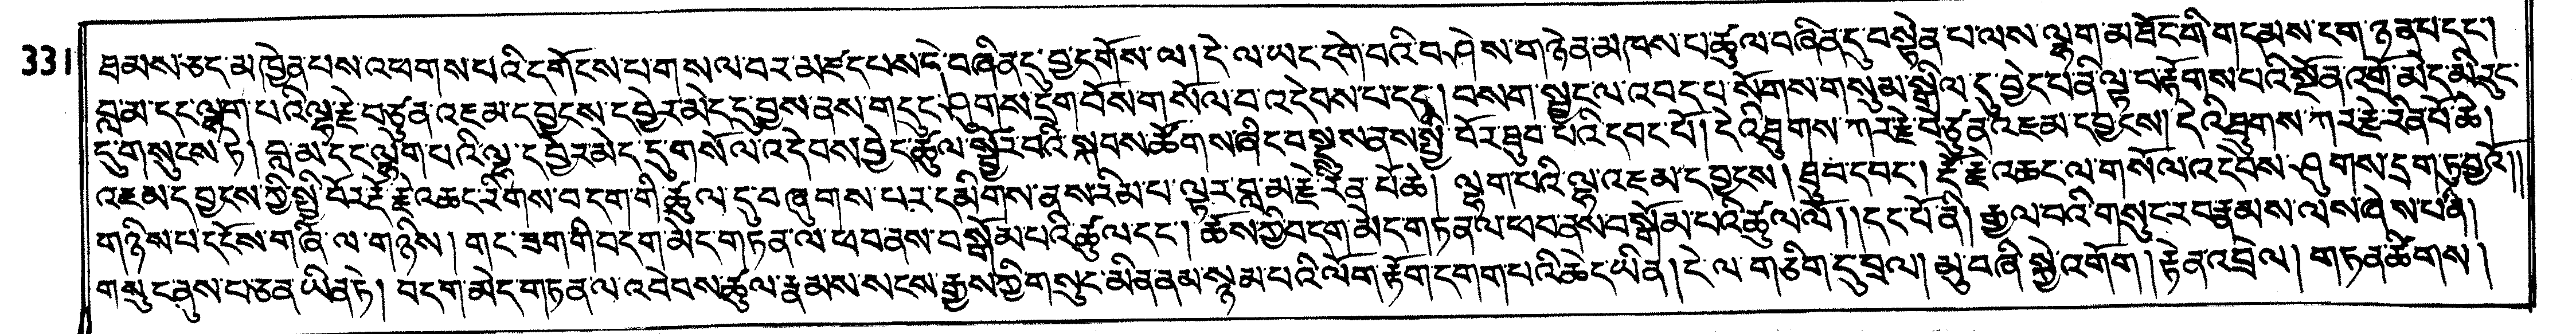ཐམས་ཅད་མཁྱེན་པས་འཕགས་པའི་དགོངས་པ་གསལ་བར་མཛད་པས་དེ་བཞིན་དུ་བྱ་དགོས་ལ། དེ་ལ་ཡང་དགེ་བའི་བཤེས་གཉེན་མཁས་པ་ཚུལ་བཞིན་དུ་བསྟེན་པ་ལས་ལྷག་མཐོང་གི་གདམས་ངག་ཉན་པ་དང་།
བླ་མ་དང་ལྷག་པའི་ལྷ་རྗེ་བཙུན་འཇམ་དབྱངས་དབྱེར་མེད་དུ་བྱས་ནས་གདུང་ཤུགས་དྲག་པོས་གསོལ་བ་འདེབས་པ་དང་། བསག་སྦྱང་ལ་འབད་པ་སོགས་གསུམ་སྒྲིལ་དུ་བྱེད་པ་ནི་ལྟ་བ་རྟོགས་པའི་སྔོན་འགྲོ་མེད་མི་རུང་
དུ་གསུངས་ཏེ། བླ་མ་དང་ལྷག་པའི་ལྷ་དབྱེར་མེད་དུ་གསོལ་འདེབས་བྱེད་ཚུལ་སྦྱོར་བའི་སྐབས་ཚོགས་ཞིང་བསྡུས་ནས་སྤྱི་བོར་ཐུབ་པའི་དབང་པོ། དེའི་ཐུགས་ཀར་རྗེ་བཙུན་འཇམ་དབྱངས། དེའི་ཐུགས་ཀར་རྗེ་རིན་པོ་ཆེ།
འཇམ་དབྱངས་ཀྱི་སྤྱི་བོར་རྡོ་རྗེ་འཆང་རིགས་བདག་གི་ཚུལ་དུ་བཞུགས་པར་དམིགས་ནས་རིམ་པ་ལྟར་བླ་མ་རྗེ་རིན་པོ་ཆེ། ལྷག་པའི་ལྷ་འཇམ་དབྱངས། ཐུབ་དབང་། རྡོ་རྗེ་འཆང་ལ་གསོལ་འདེབས་ཤུགས་དྲག་ཏུ་བྱའོ། །
གཉིས་པ་དངོས་གཞི་ལ་གཉིས། གང་ཟག་གི་བདག་མེད་གཏན་ལ་ཕབ་ནས་བསྒོམ་པའི་ཚུལ་དང་། ཆོས་ཀྱི་བདག་མེད་གཏན་ལ་ཕབ་ནས་བསྒོམ་པའི་ཚུལ་ལོ། །དང་པོ་ནི། རྒྱལ་བའི་གསུང་རབ་རྣམས་ལས་ཞེས་པ་ནི།
གསུང་ནུས་པ་ཅན་ཡིན་ཏེ། བདག་མེད་གཏན་ལ་འབེབས་ཚུལ་རྣམས་སངས་རྒྱས་ཀྱི་གསུང་མིན་ནམ་སྙམ་པའི་ལོག་རྟོག་དགག་པའི་ཆེད་ཡིན། དེ་ལ་གཅིག་དུ་བྲལ། མུ་བཞི་སྐྱེ་འགོག། རྟེན་འབྲེལ། གཏན་ཚིགས།